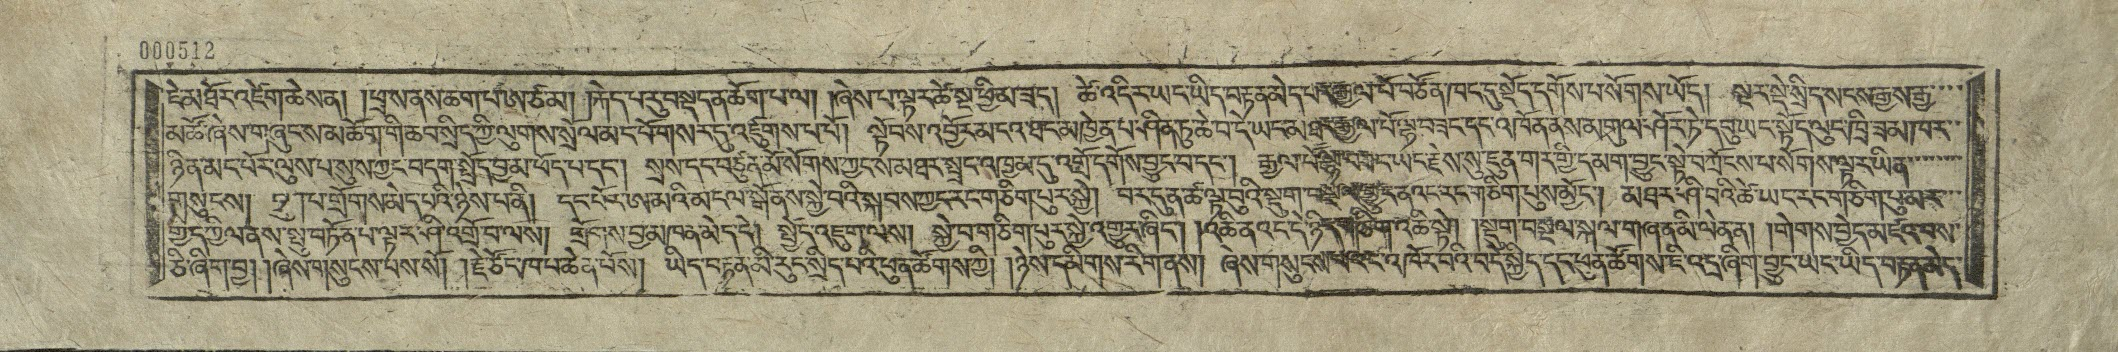ཇེ་མཐོར་འཛེག་ཆེས་ན། །ཕྲ་ས་ནས་ཆག་པ་ཨ་ཙ་མ། །རྐེད་པ་རུ་བསྡད་ན་ཆོག་པ་ལ། །ཞེས་པ་ལྟར་ཚེ་སྔ་ཕྱི་མ་ཟད། ཚེ་འདིར་ཡང་ཡིད་བརྟན་མེད་པར་རྒྱལ་པོ་བཙོན་ཁང་དུ་སྡོད་དགོས་པ་སོགས་ཡོད། སྔར་སྡེ་སྲིད་སངས་རྒྱས་རྒྱ་
མཚོ་ཞེས་གཞུང་ས་མཆོག་གི་ཆབ་སྲིད་ཀྱི་ལུགས་སྲོལ་མང་པོ་གསར་དུ་འཛུགས་པ་པོ། སྟོབས་འབྱོར་མངའ་ཐང་མཁྱེན་པ་ཤིན་ཏུ་ཆེ་བ་དེ་ཡང་མཐར་རྒྱལ་པོ་ལྷ་བཟང་དང་འཁོན་ནས་མགུལ་ཤོར་ཏེ་དབུ་ཡང་སྟོད་ལུང་ཁྲི་ཟམ་ཁར་
ཉིན་མང་པོར་ལུས་པ་སུས་ཀྱང་བདག་སྤྲོད་བྱ་མ་ཕོད་པ་དང་། སྲས་དང་བཙུན་མོ་སོགས་ཀྱང་ས་མཐར་སྤྲང་འཁྱམ་དུ་འགྲོ་དགོས་བྱུང་བ་དང་། རྒྱལ་པོ་ལྷ་བཟང་ཡང་རྗེས་སུ་ཇུན་གར་གྱི་དམག་བྱུང་སྟེ་བཀྲོངས་པ་སོགས་ལྟར་ཡིན་
གསུངས། དྲུག་པ་གྲོགས་མེད་པའི་ཉེས་པ་ནི། དང་པོར་ཨ་མའི་མངལ་སྒོ་ནས་སྐྱེ་བའི་སྐབས་ཀྱང་རང་གཅིག་པུར་སྐྱེ། བར་དུ་ན་ཚ་ལྟ་བུའི་སྡུག་བསྔལ་བྱུང་ནའང་རང་གཅིག་པུས་མྱོང་། མཐར་ཤི་བའི་ཚེ་ཡང་རང་གཅིག་པུ་མར་
གྱི་དཀྱིལ་ནས་སྤུ་བཏོན་པ་ལྟར་ཤི་འགྲོ་བ་ལས། གྲོགས་བྱ་མཁན་མེད་དེ། སྤྱོད་འཇུག་ལས། སྐྱེ་བ་གཅིག་པུར་སྐྱེ་འགྱུར་ཞིང་། །འཆི་ནའང་དེ་ཉིད་གཅིག་འཆི་སྟེ། །སྡུག་བསྔལ་སྐལ་གཞན་མི་ལེན་ན། །གེགས་བྱེད་མཛའ་བས་
ཅི་ཞིག་བྱ། །ཞེས་གསུངས་པས་སོ། །རྗེ་ཙོང་ཁ་པ་ཆེན་པོས། ཡིད་བརྟན་མི་རུང་སྲིད་པའི་ཕུན་ཚོགས་ཀྱི། །ཉེས་དམིགས་རིག་ནས། ཞེས་གསུངས་པའང་འཁོར་བའི་བདེ་སྐྱེད་དང་ཕུན་ཚོགས་ཇི་འདྲ་ཞིག་བྱུང་ཡང་ཡིད་བརྟན་མེད་